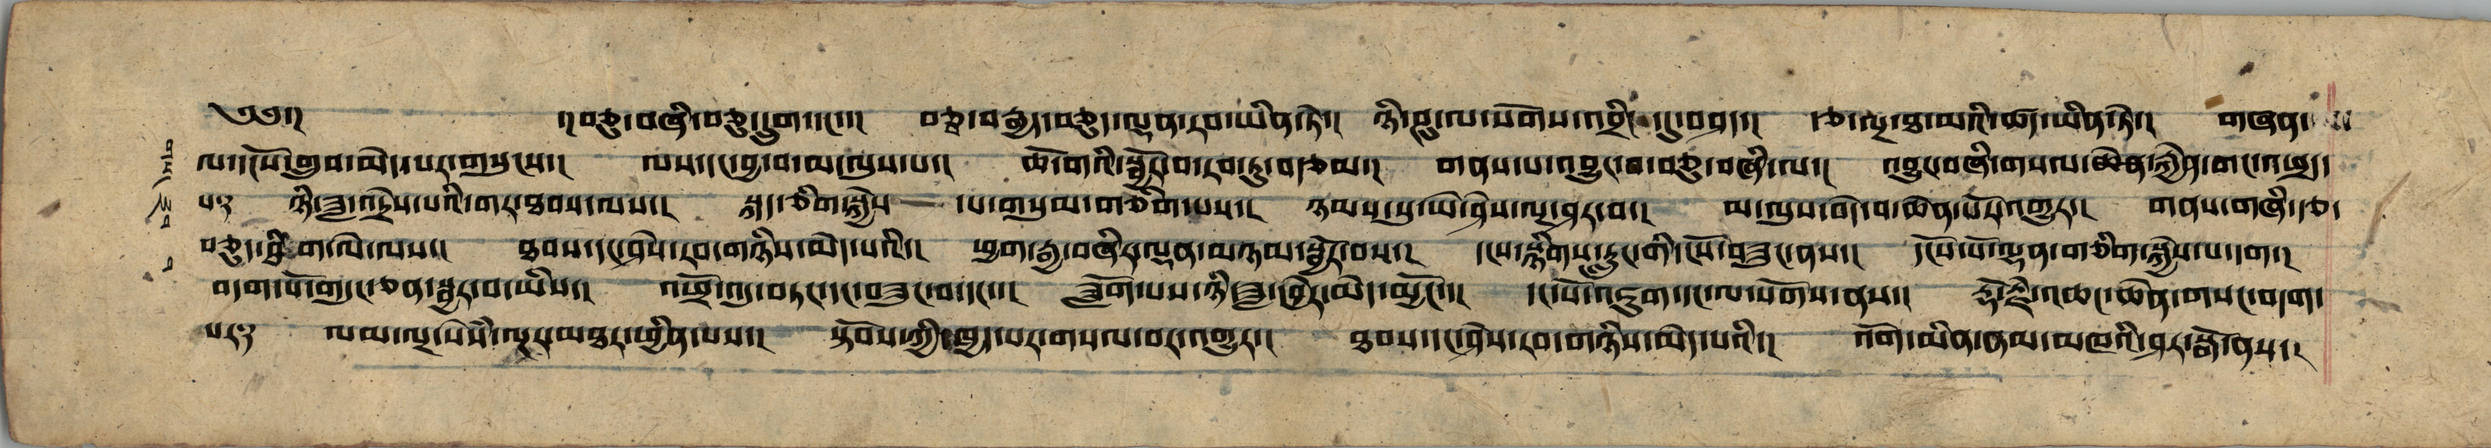༄༅་། ་།བཅུ་བཞི་བཅུ་དྲུག་དང་་། བཅྭ་བརྒྱད་བཅུད་ལྡན་རབ་ཡིན་ཏེ་། ཉི་ཤུ་ལ་སོགས་འབྲིང་དུ་བཤད་། རྩ་ལྔ་ཐ་མའི་ཚད་ཡིན་ཏེ་། གཞན་
ལ་དངོས་གྲུབ་མེད་པར་གསུངས་། ལས་དང་བྱ་བ་མ་ལུས་པ་། ཆོ་གའི་སྦྱོར་བ་རབ་ཏུ་བརྩམ་། གནས་པ་འབྱུང་བ་བཅུ་བཞི་ལ་། འབྱུང་བཞི་གསལ་ཆེན་རྐྱེན་གང་འཕྲད་
ས༑ ཉི་ཟླ་འདྲེས་པའི་གར་ཐབས་ལས་། སྐད་ཅིག་སྐྱེས་ པ་གསུམ་གཅིག་པས་། ཉམས་སུ་ཡེ་ཤེས་ལྔ་ཤར་བ་། མ་ལུས་བདེ་བ་ཆེན་པོར་འགྱུར་། གནས་གཞི་རྩ་
བཅུད་ཐིག་ལེ་ལས་། ཐབས་དང་ཤེས་རབ་གཉིས་མེད་པའི་། ཕྱག་རྒྱ་བཞི་ལྡན་མཉམ་སྦྱོར་བས་། དངས་སྙིགས་རླུང་གི་དངོས་གཟུང་ནས་། དངོས་པོ་ལྷན་ཅིག་སྐྱེས་པ་དག་།
བདག་པོ་གདུང་ཅན་སྦྱོར་བ་ཡིས་། འཕྲོ་འདུ་བཏང་དང་བཟུང་བ་དང་་། ཟློག་པས་ཉི་ཟླ་དབྱེར་མེད་མྱོང་་། དང་པོ་འཇུག་དང་ལ་སོགས་ནས་། རྡོ་རྗེ་འཆང་ཆེན་གསང་བདག།
པར༑ ལམ་ལྔ་སེཾས་ལྔར་མཐར་ཕྱིན་པས་། སྟོབས་ཀྱི་ཁྱད་པར་གསལ་བར་འགྱུར་། ཐབས་དང་ཤེས་རབ་གཉིས་མེད་པའི་། འོག་མིན་ནམ་མཁའི་ཤར་སྒོ་ནས་།